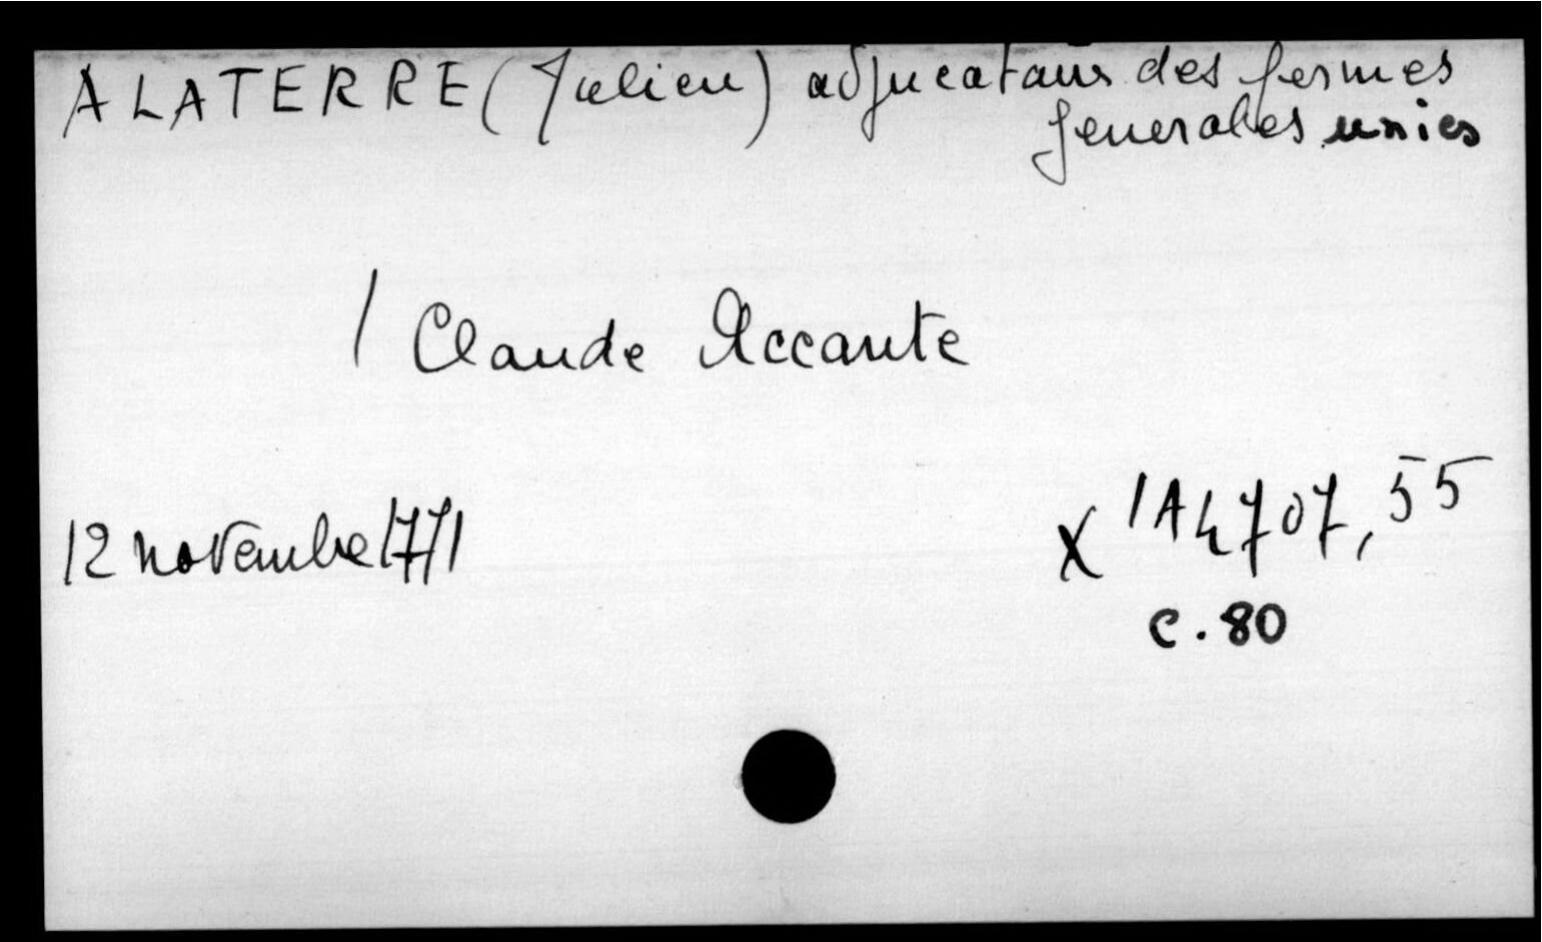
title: ALATERRE (Julien) Adjudicataire des fermes générales unies
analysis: Contre Claude Accante
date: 12 novembre 1771
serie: X1A
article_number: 4707
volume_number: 55 Conseil, 80
